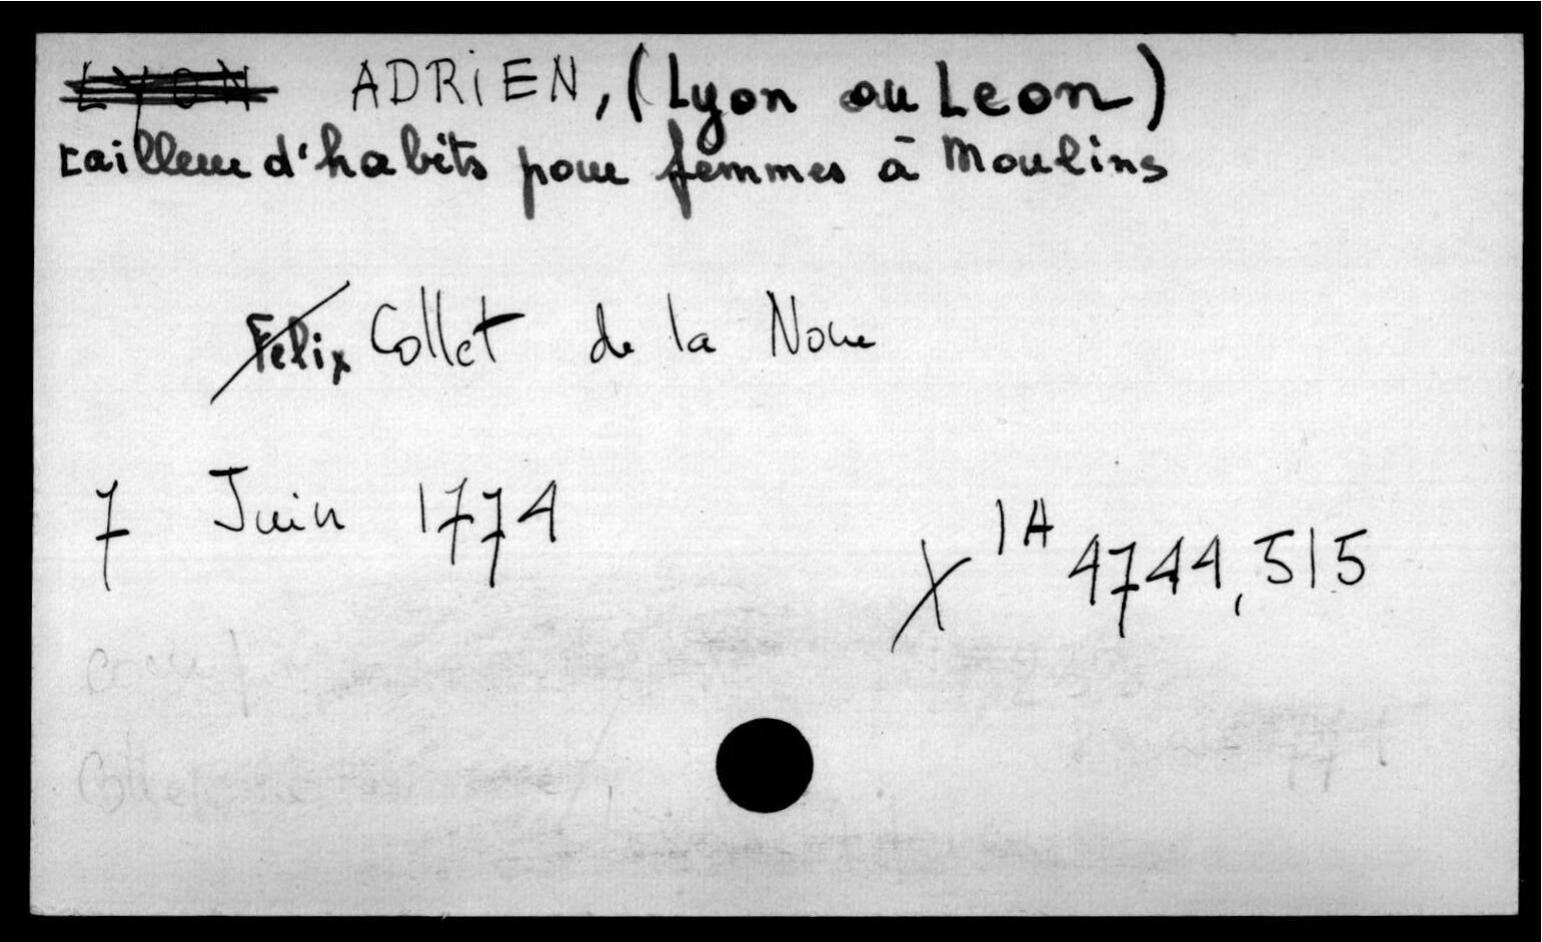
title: ADRIEN, (Lyon ou Léon) tailleur d'habits pour femmes à Moulins
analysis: Contre Felix Collet de la Noue
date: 7 juin 1774
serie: X1A
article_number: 4744
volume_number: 515
